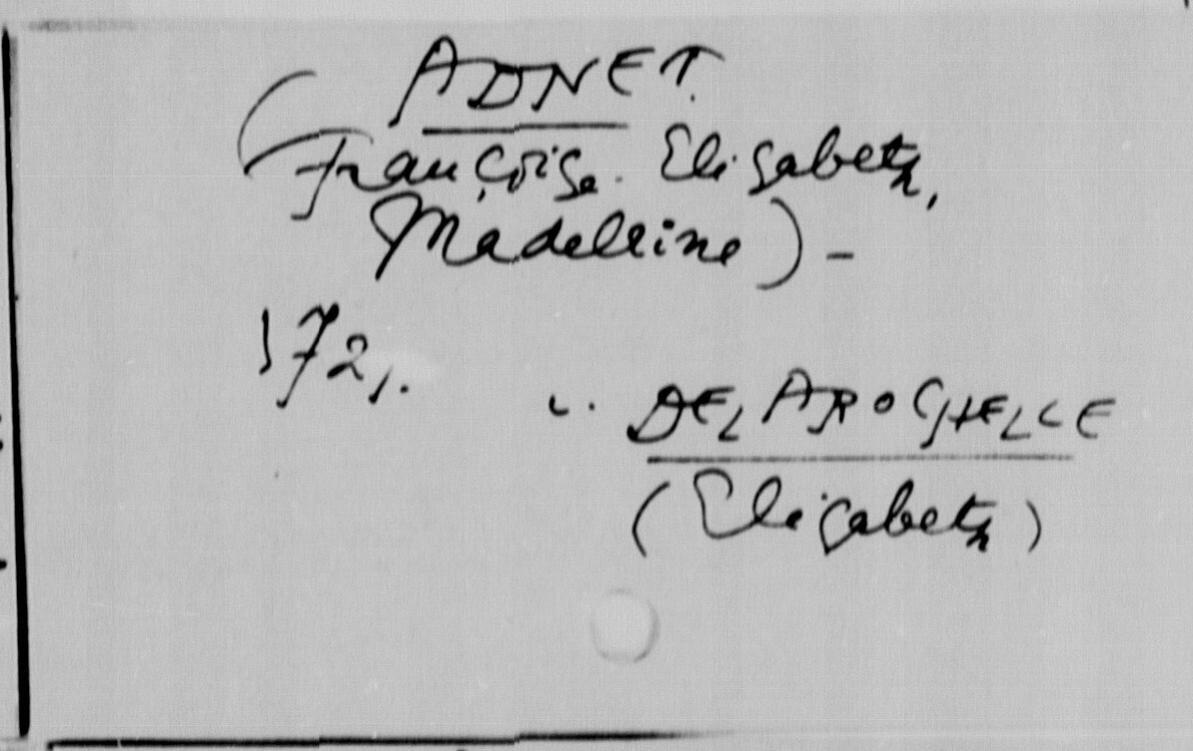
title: ADNET (Françoise Elisabeth Madeleine)
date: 1721
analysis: Voir DELAROCHELLE (Elisabeth)
